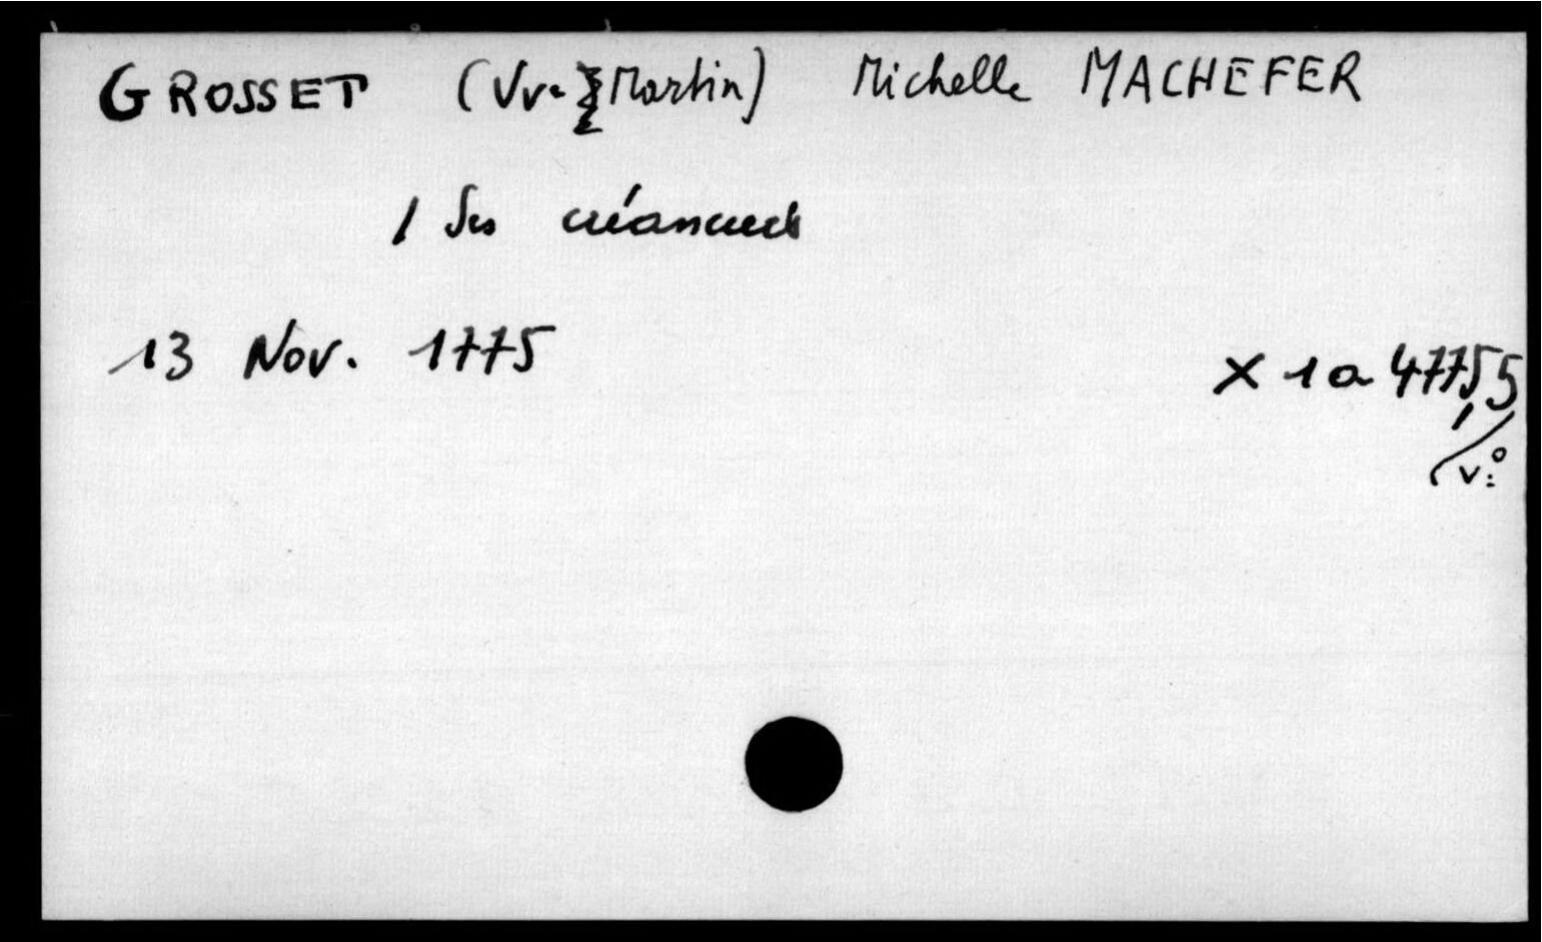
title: GROSSET (Veuve Martin) Michelle MACHEFER
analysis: Contre ses créanciers
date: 13 novembre 1775
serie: X1a
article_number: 4775
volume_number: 5v
